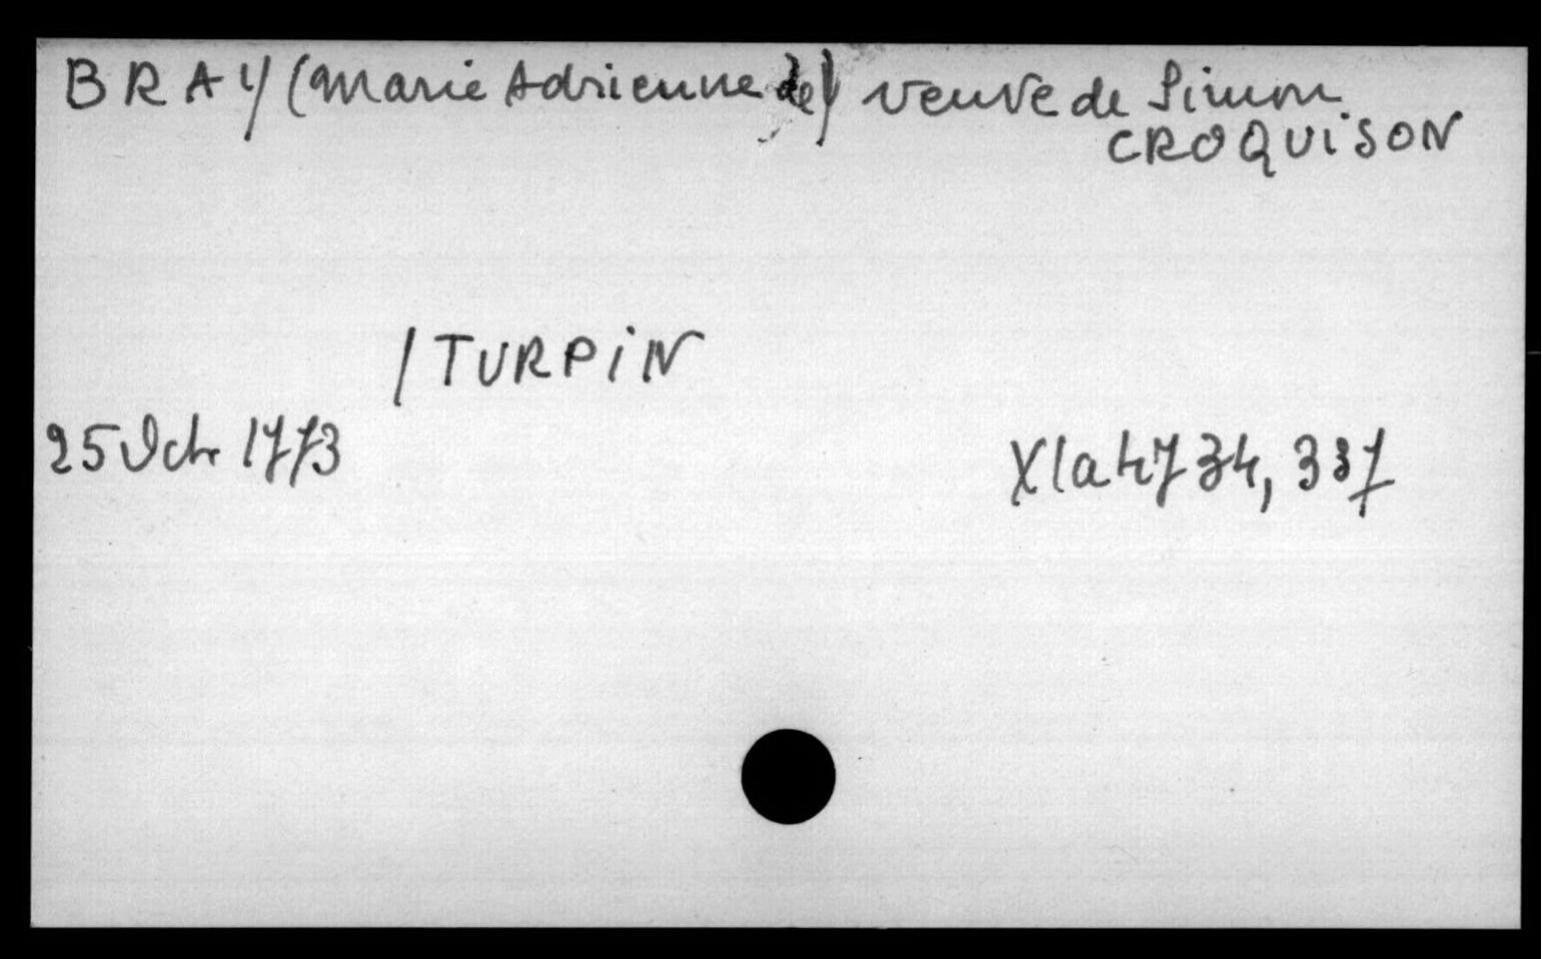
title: BRAY (Marie Adrienne de) Veuve de Simon CROQUISON
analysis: Contre TURPIN
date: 25 octobre 1773
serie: X1a
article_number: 4734
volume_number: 337
